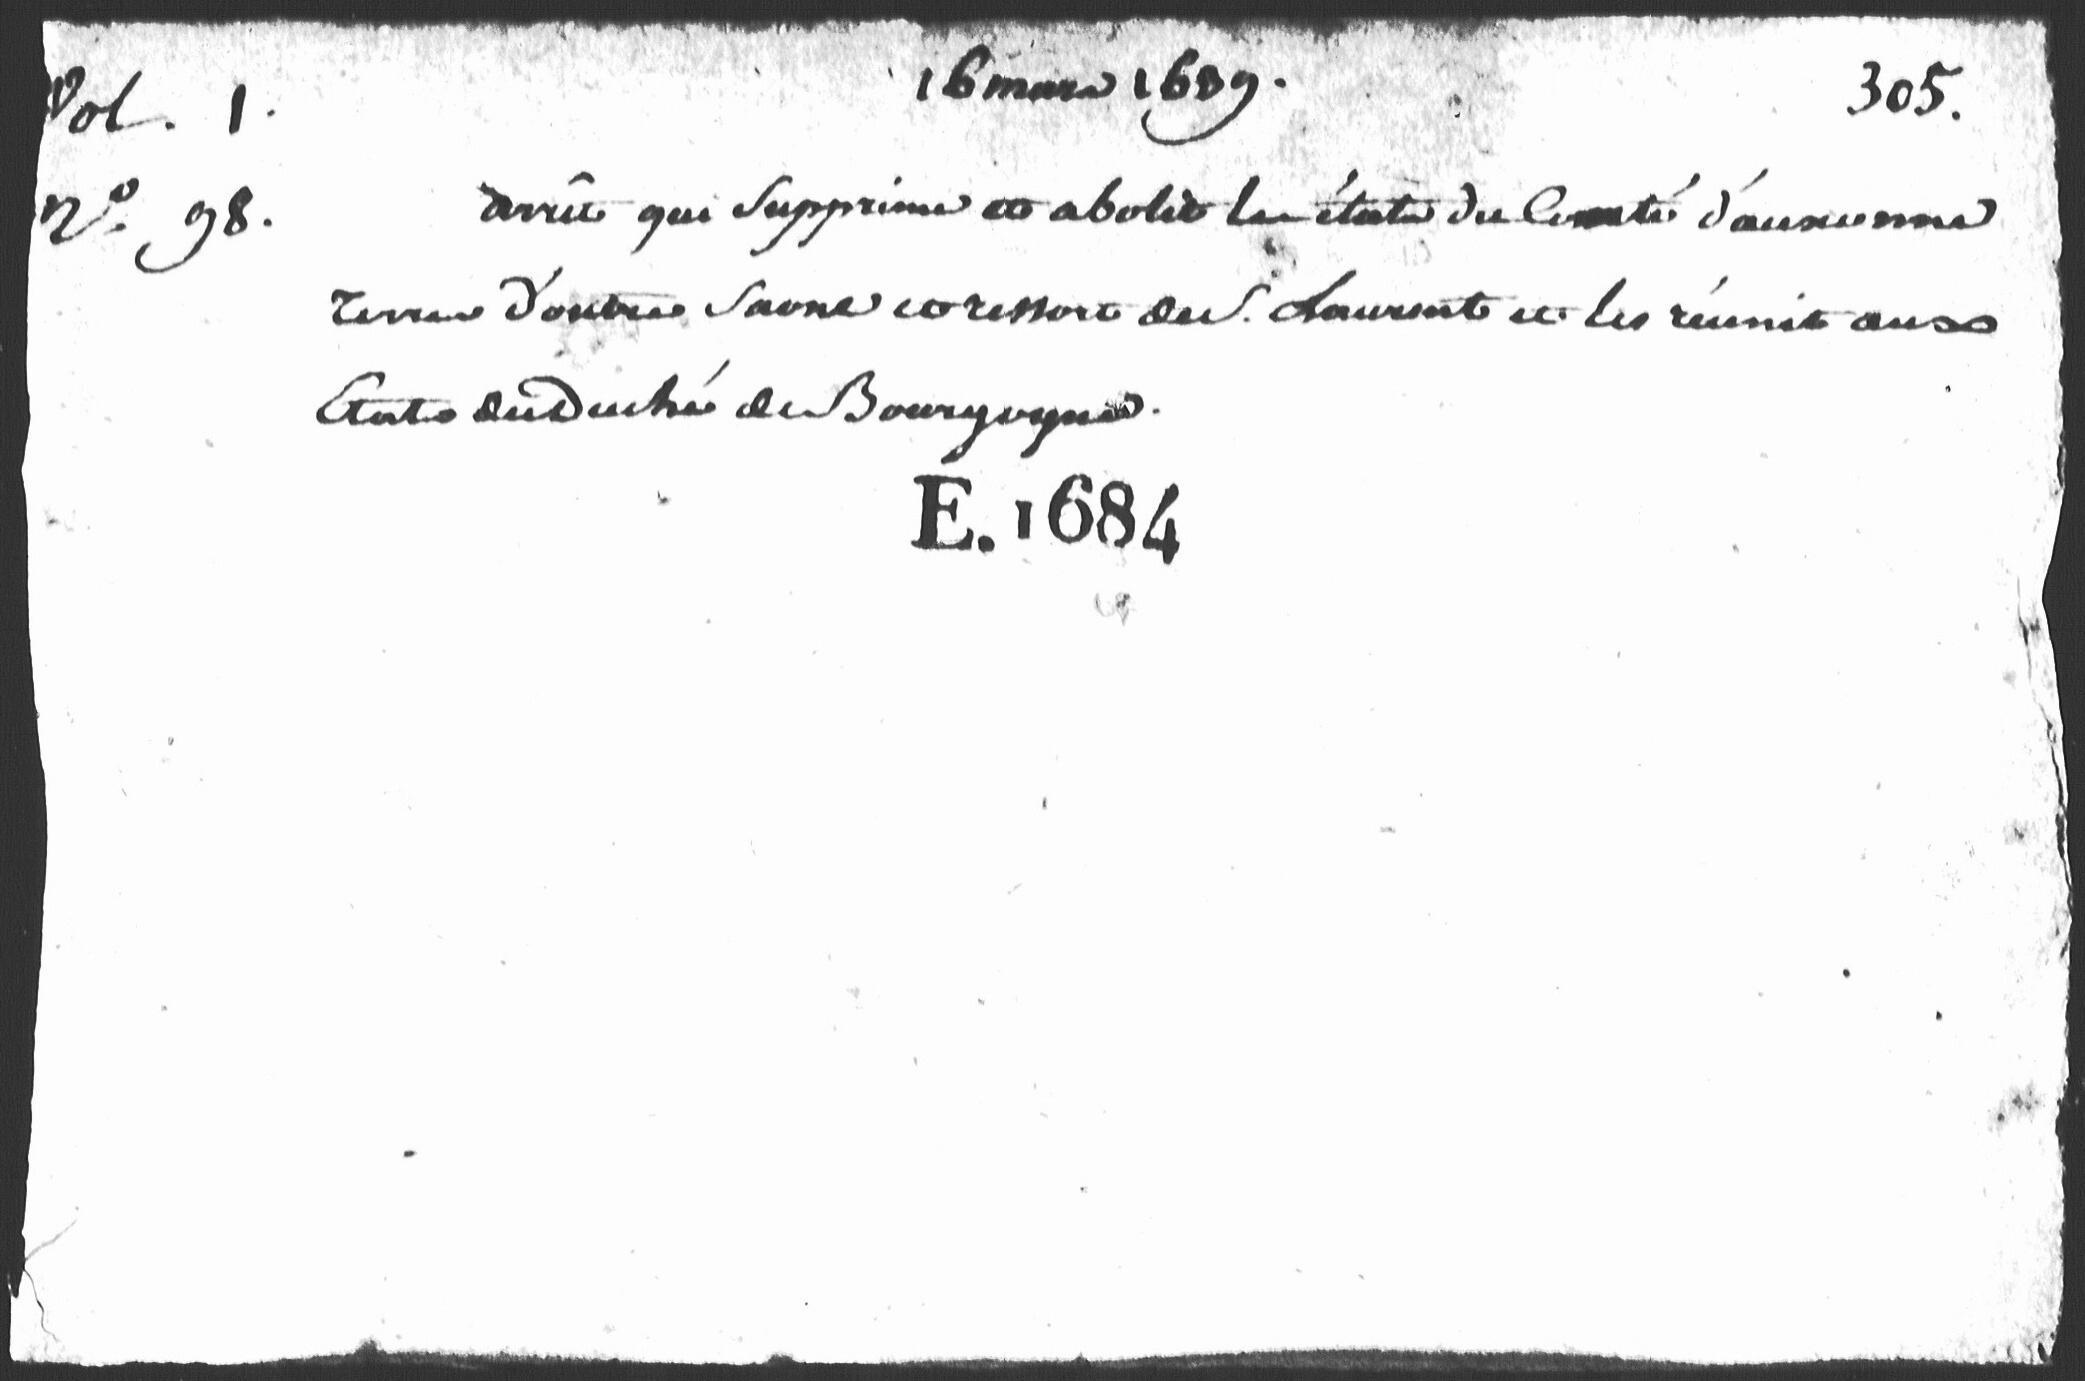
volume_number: n°98
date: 16 mars 1639
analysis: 305.
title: arrêt qui supprime et abolit les états du comté d'Auxonne Terres d'outre Saone et ressort du S. Laurent et les réunit aux Etats du Duché de Bourgogne.
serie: E
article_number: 1684
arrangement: vol. 1
